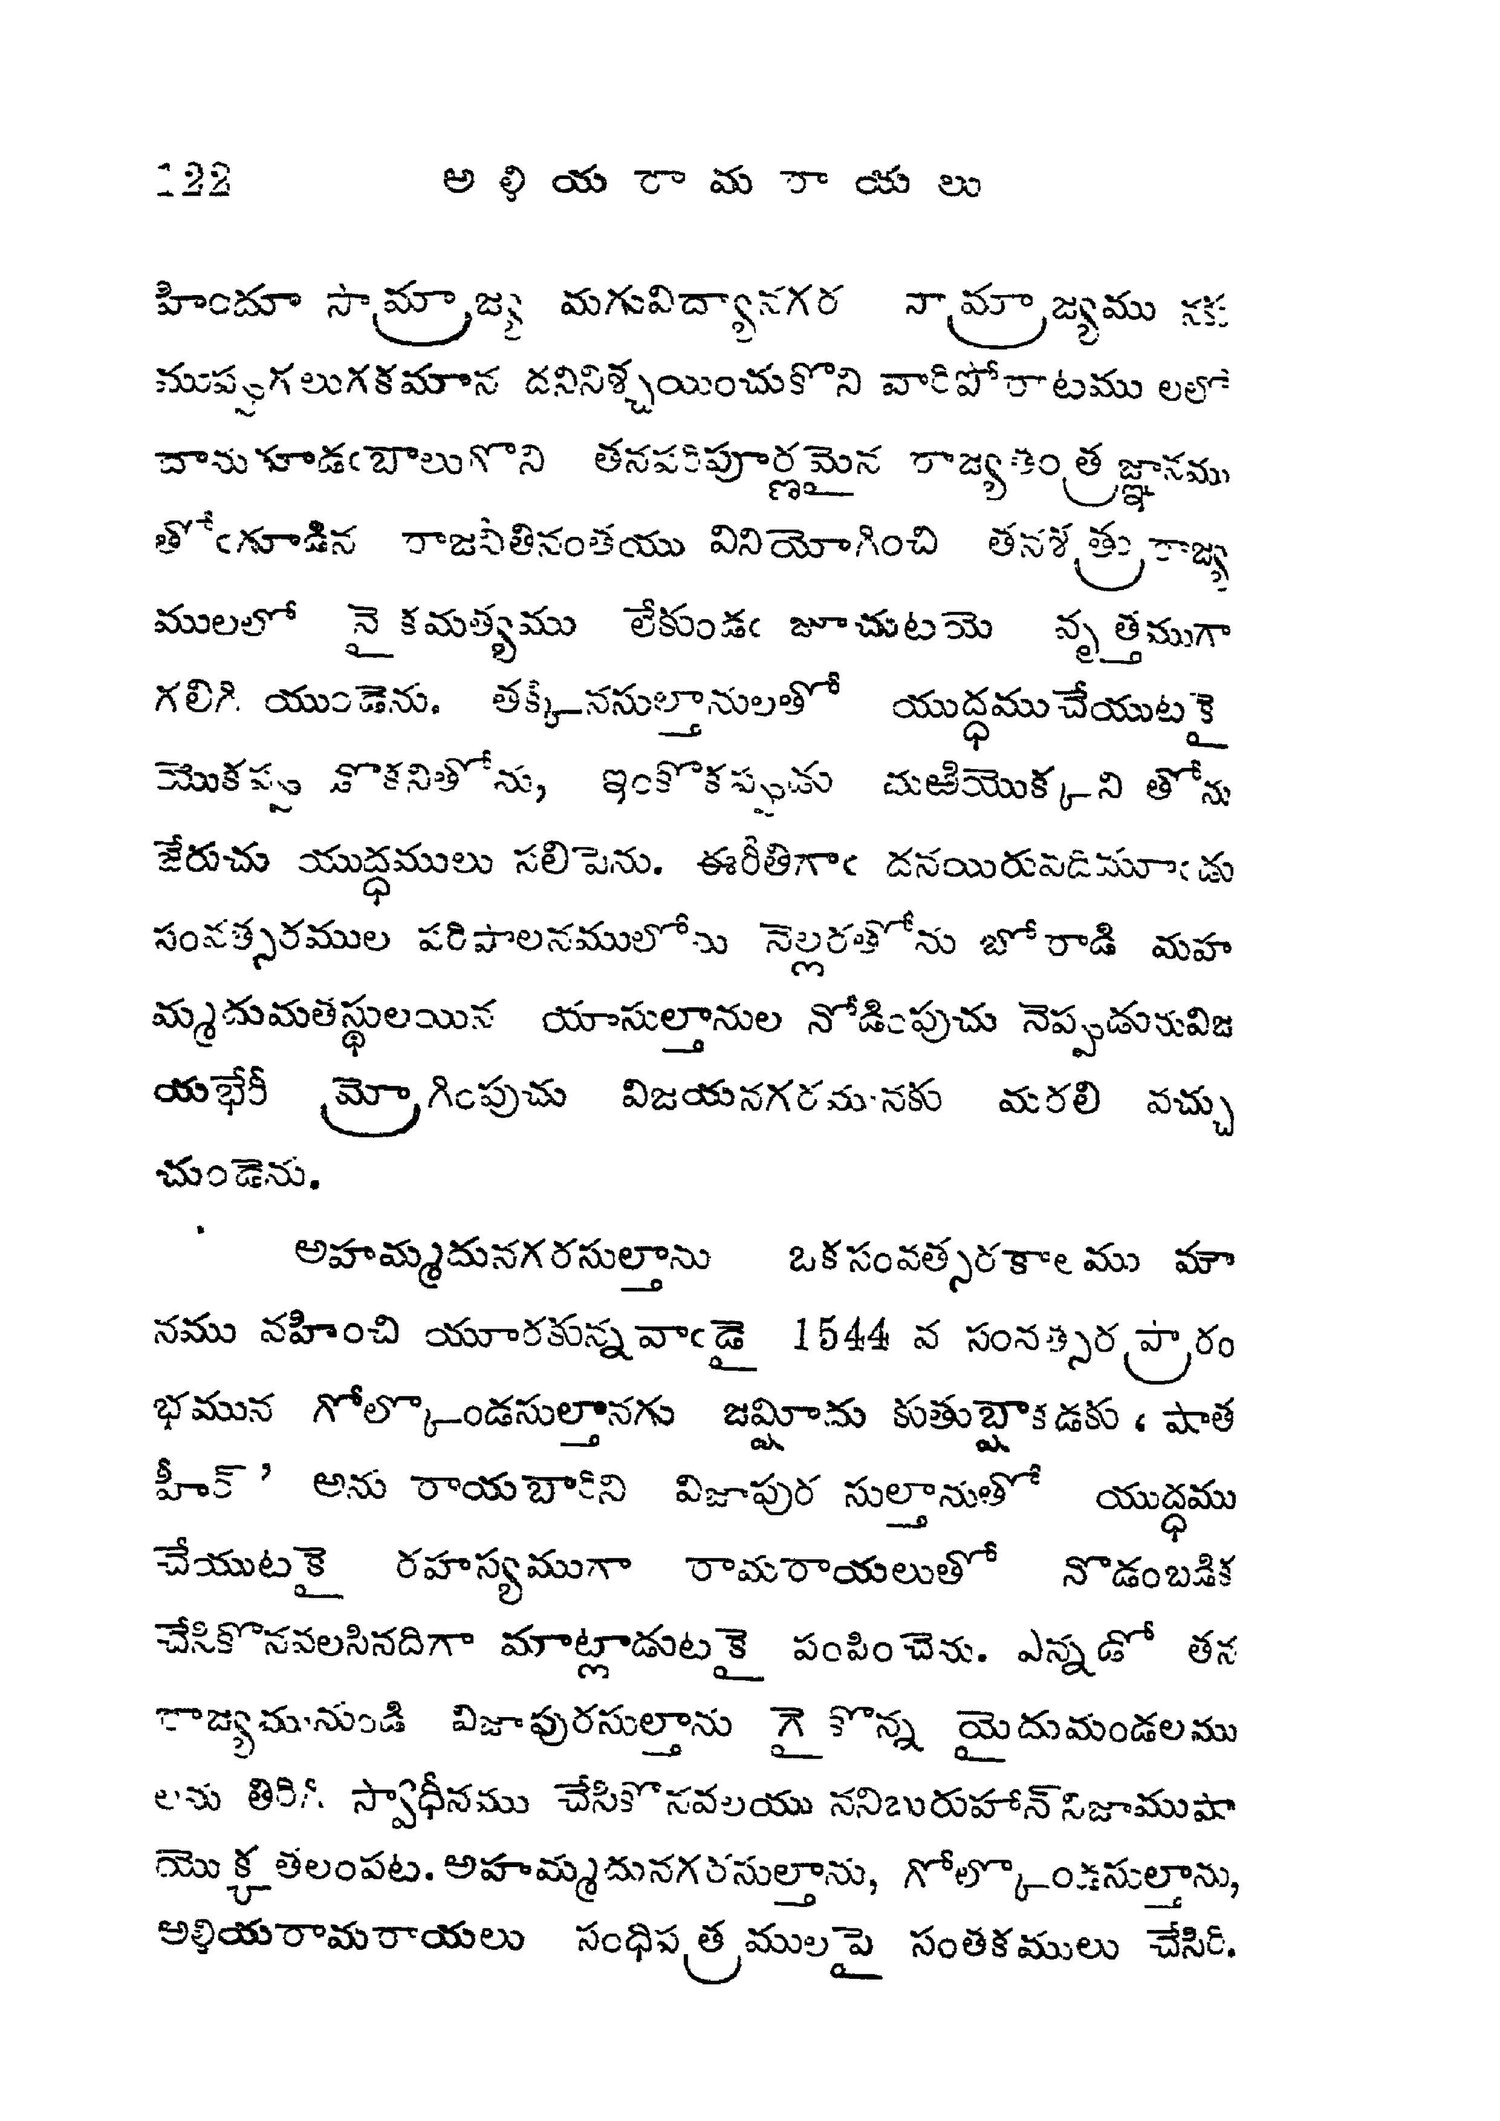హిందూ సామ్రాజ్య మగువిద్యానగర సామ్రాజ్యము నకుముప్పుగలుగకమాన దనినిశ్చయించుకొని వారిపోరాటము లలో దానుగూడ బాలుగొని తనపరిపూర్ణమైన రాజ్యతంత్రజ్ఞానముతోగూడిన రాజనీతినంతయు వినియోగించి తనశత్రురాజ్యములలో నైకమత్యము లేకుండ జూచుటయె వృత్తముగా గలిగి యుండెను. తక్కినసుల్తానులతో యుద్ధముచేయుటకై యొకప్పు డొకనితోను, ఇంకొకప్పుడు మఱియొక్కనితోను జేరుచు యుద్ధములు సలిపెను. ఈరీతిగా దనయిరువదిమూడు సంవత్సరముల పరిపాలనములోను నెల్లరతోను బోరాడి మహమ్మదుమతస్థులయిన యాసుల్తానుల నోడింపుచు నెప్పుడును విజయభేరీ మ్రోగింపుచు విజయనగరమునకు మరలి వచ్చుచుండెను.

అహమ్మదునగరసుల్తాను ఒకసంవత్సరకాలము మౌనము వహించి యూరకున్నవాడై 1544 వ. సంవత్సరప్రారంభమున గోల్కొండసుల్తానగు జమ్షీదు కుతుబ్షాకడకు 'షాతహీర్‌' అను రాయబారిని విజాపుర సుల్తానుతో యుద్ధముచేయుటకై రహస్యముగా రామరాయలుతో నొడంబడిక చేసికొనవలసినదిగా మాట్లాడుటకై పంపించెను. ఎన్నడో తన రాజ్యమునుండి విజాపురసుల్తాను గైకొన్న యైదుమండలములను తిరిగి స్వాధీనము చేసికొనవలయు ననిబురహాన్‌నిజాముషా యొక్కతలంపట. అహమ్మదునగరసుల్తాను, గోల్కొండసుల్తాను, అళియరామరాయలు సంధిపత్రములపై సంతకములు చేసిరి.